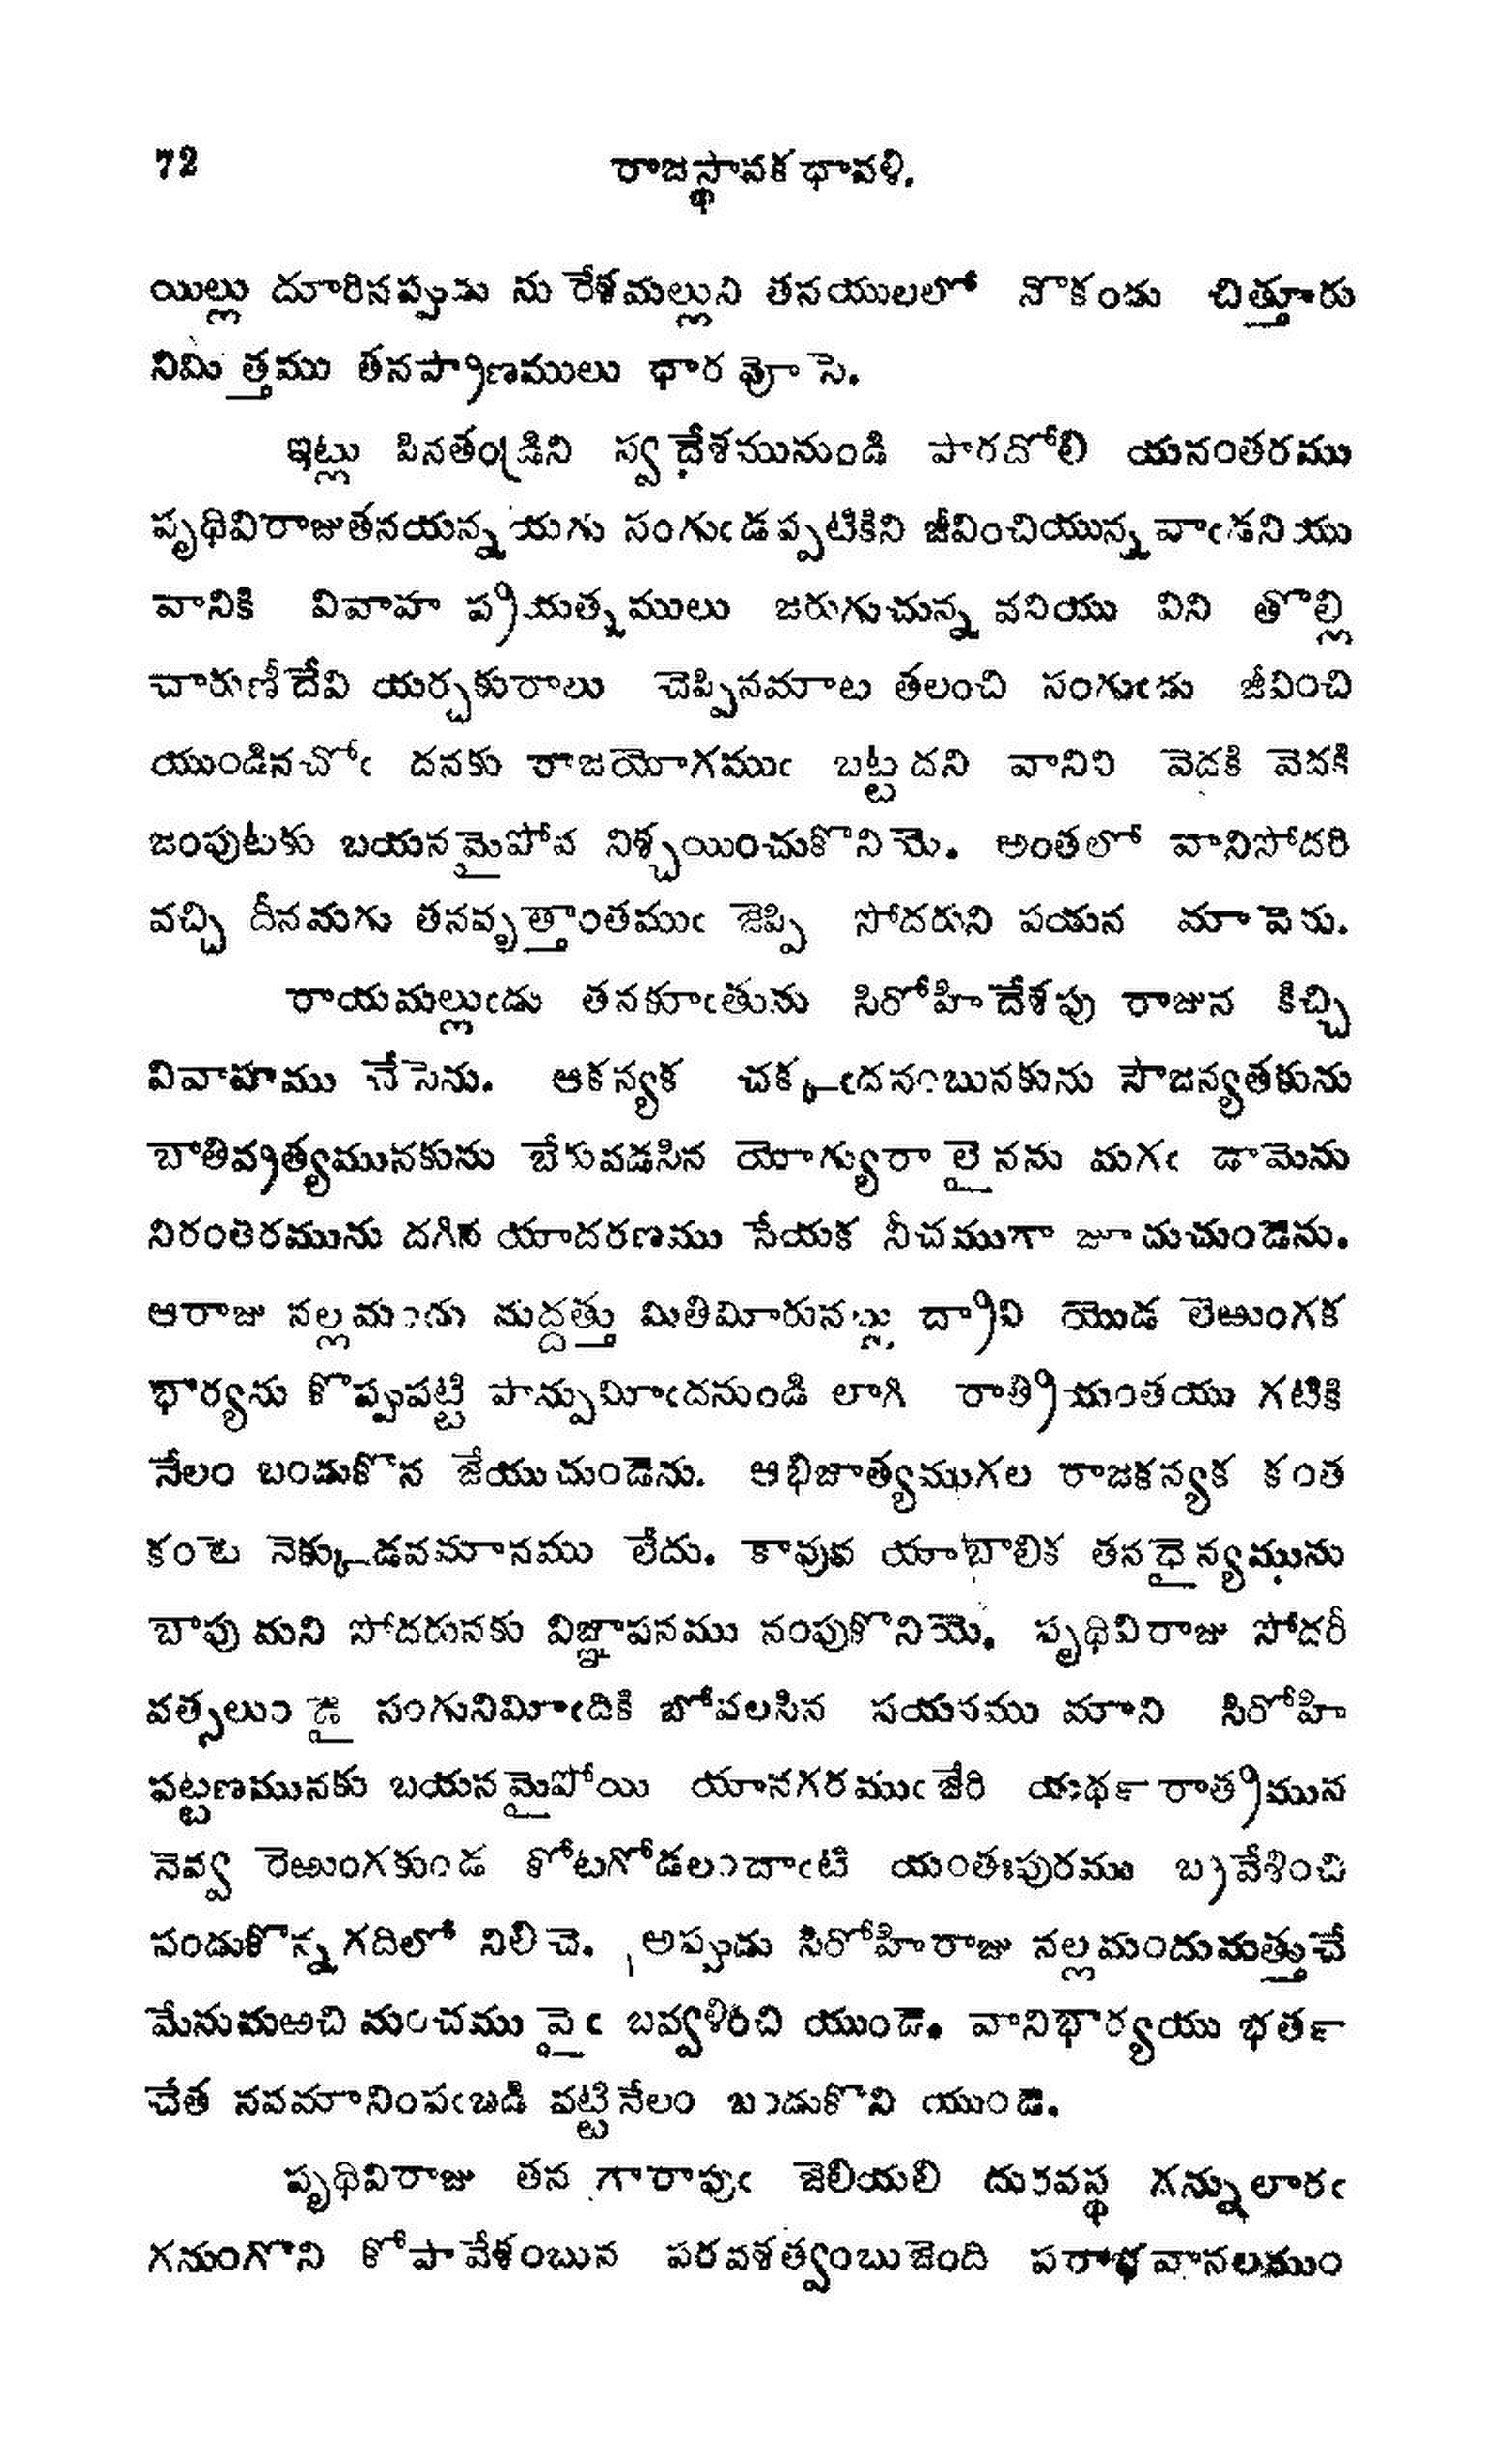యిల్లు దూరినప్పుడు సురేశమల్లుని తనయులలో నొకండు చిత్తూరు నిమిత్తము తన ప్రాణములు ధారవూసె.

ఇట్లు పినతండ్రిని స్వదేశమునుండి పారదోలి యనంతరము పృథివిరాజు తనయన్న యగు సంగుఁడప్పటికిని జీవించియున్న వాఁడనియు వానికి వివాహ ప్రయత్నములు జరుగుచున్న వనియు విని తొల్లి చారుణీదేవీ యర్చకురాలు చెప్పినమాట తలంచి సంగుఁడు జీవించి
యుండిన చోఁ దనకు రాజయోగముఁ బట్టదని వానిని వెదకి వెదకి జంపుటకు బయనమైపోవ నిశ్చయించుకొనియె. అంతలో వానిసోదరి
వచ్చి దీనమగు తనవృత్తాంతముఁ జెప్పి సోదరుని పయన మాపెను.

రాయమల్లుఁడు తనకూఁతును సిరోహి దేశపు రాజున కిచ్చి వివాహము చేసెను. ఆకన్యక చక్కదనంబునకును సౌజన్యతకును
బాతివ్రత్యమునకును బేరువడసిన యోగ్యురా లైనను మగఁ డామెను నిరంతరమును దగినయాదరణము సేయక నీచముగా జూచుచుండెను.
ఆ రాజు నల్లమందు మద్దత్తు మితిమీరునట్లు ద్రావి యొడ లేఱుంగక భార్యను కొప్పుపట్టి పాన్పుమీఁదనుండి లాగి రాత్రి యంతయు గటికి
నేలం బండుకొన జేయు చుండెను. ఆభిజాత్యముగల రాజకన్యక కంత కంటే నెక్కుడవమానము లేదు. కావుక యా బాలిక తన దైన్యమును
బాపు మని సోదరునకు విజ్ఞాపనము నంపుకొనియె, పృథివిరాజు సోదరీ వత్సలుండై సంగునిమీఁదికి బోవలసిన పయనము మాని సిరోహి
పట్టణమునకు బయనమైపోయి యానగరముఁ జేరి యథ౯ రాత్రమున నెవ్వ రెఱుంగకుండ కోటగోడలం దాఁటి యంతఃపురము బ్రవేశించి
పండుకొన్న గదిలో నిలిచె. అప్పుడు సిరోహి రాజు నల్లమందుమత్తుచే మేను మఱచి మంచము పైఁ బవ్వళించి యుండె. వాని భార్యయు భత౯ చేత నవమానింపఁబడి వట్టినేలం బండుకొని యుండె.

పృథివిరాజు తన గారాపుఁ జెలియలి దురవస్థ గన్ను లారఁ గనుంగొని కోపావేశంబున పరవశత్వంబు జెంది పరాభవానలముం